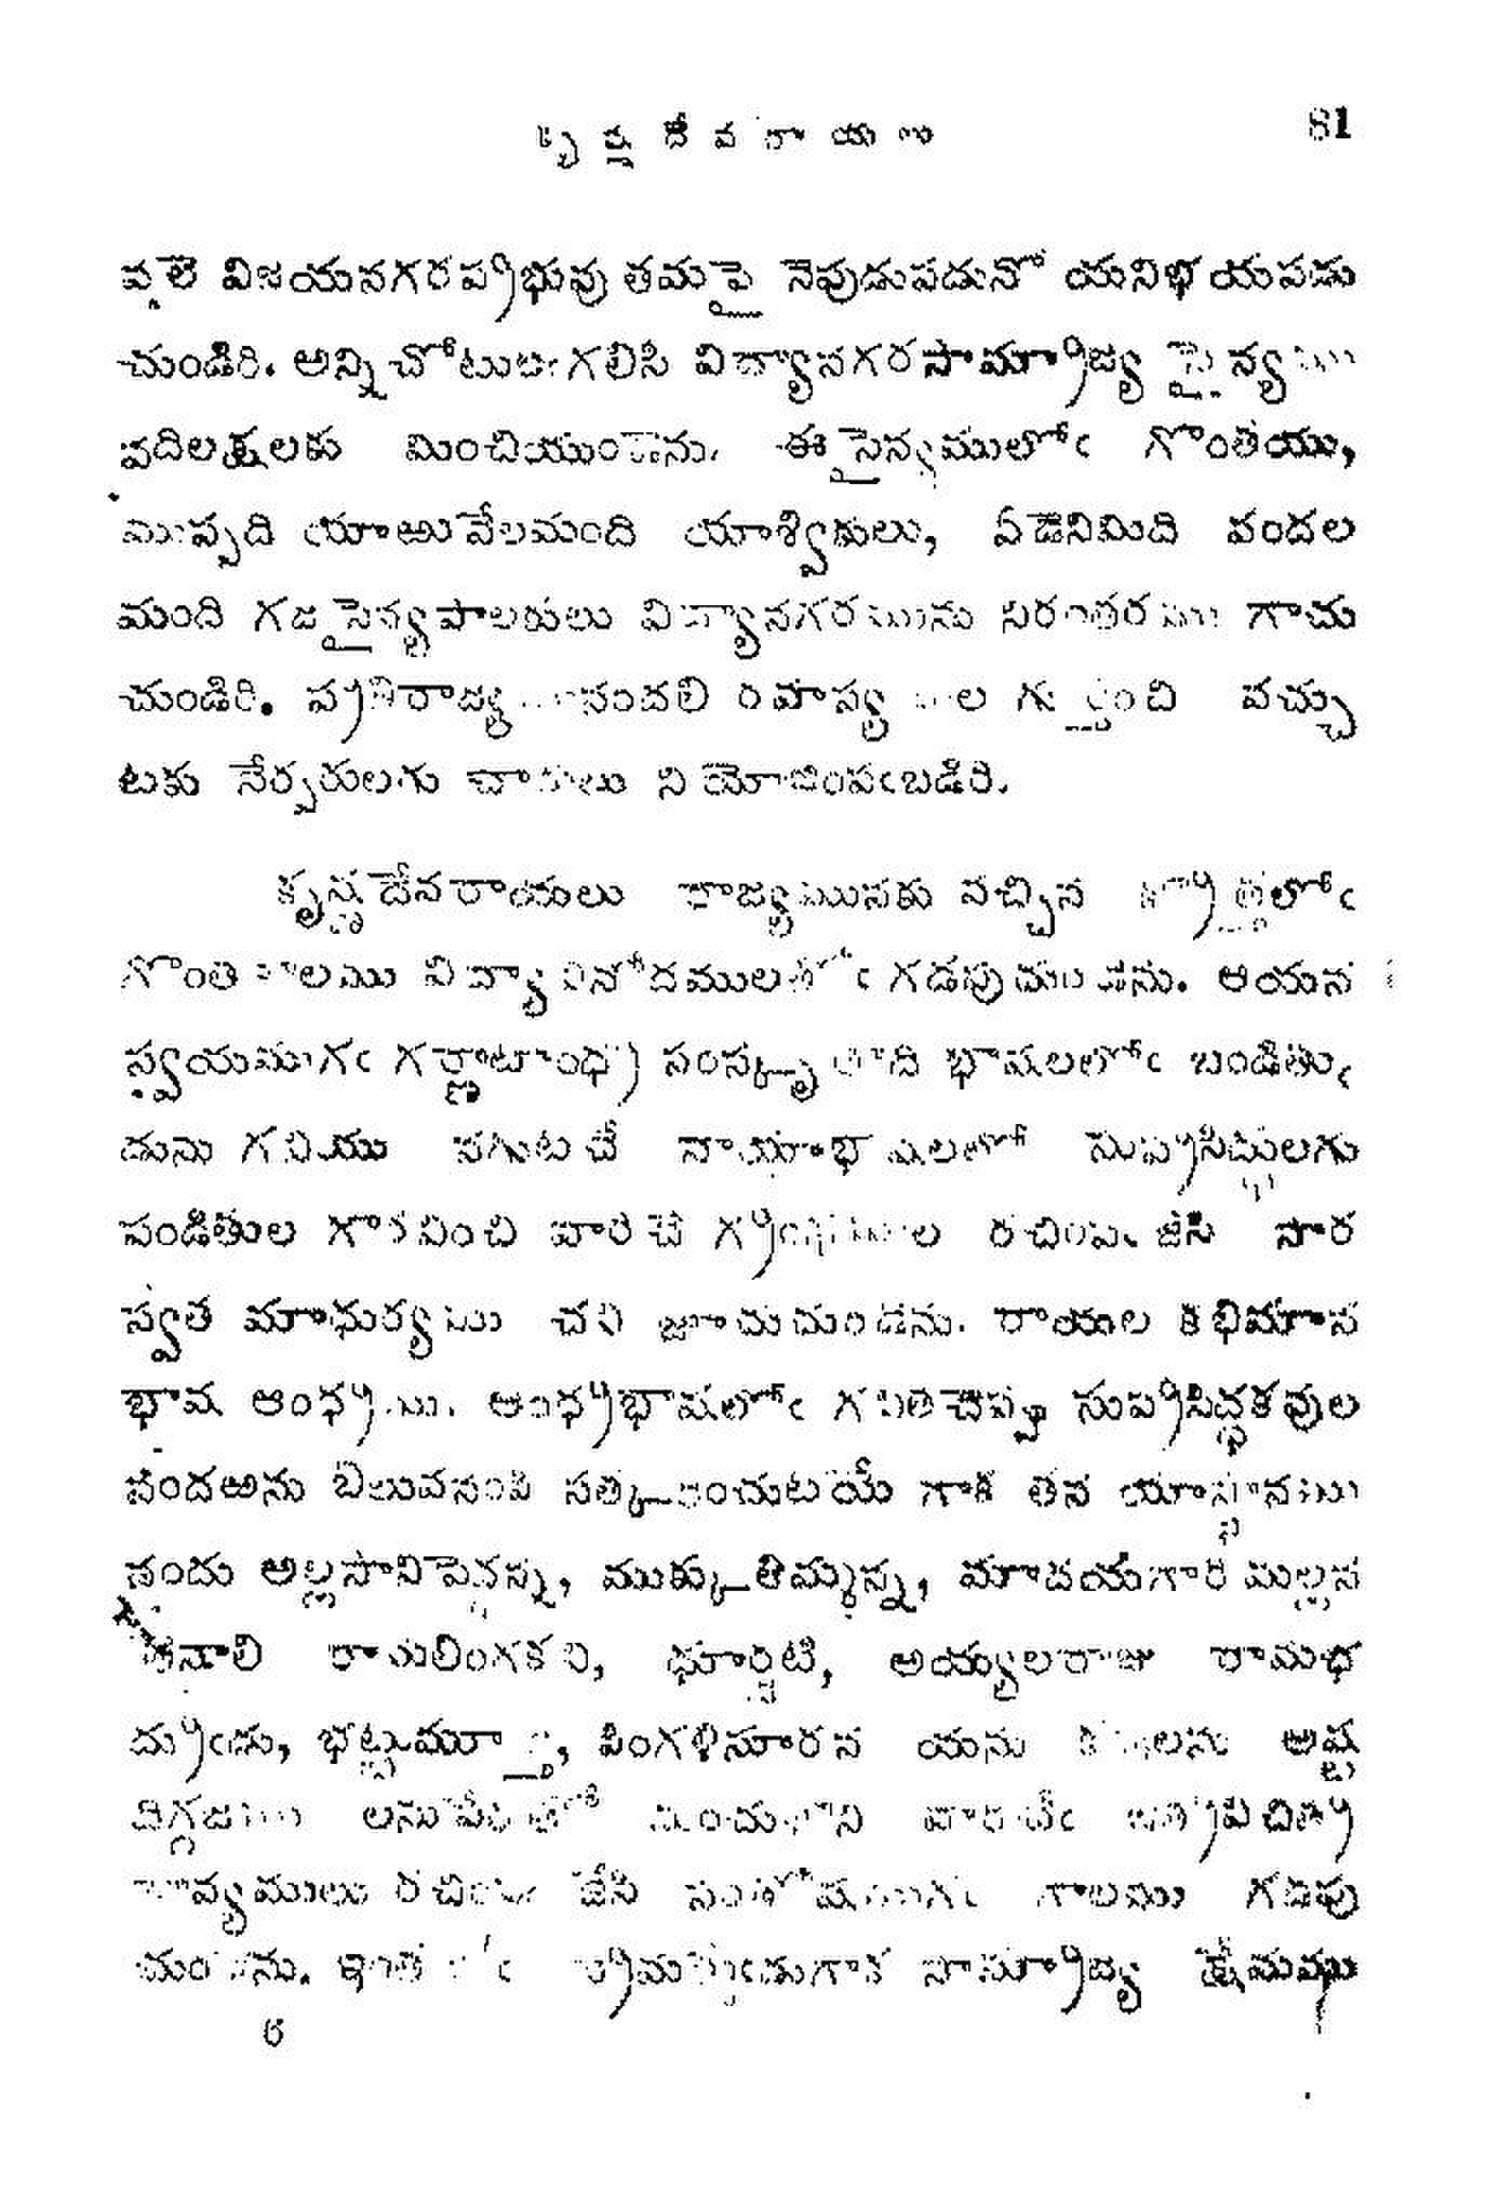వలె విజయనగరప్రభువు తమపై నెపుడుపడునో యనిభయపడుచుండిరి. అన్నిచోటుల గలిసి విద్యానగరసామ్రాజ్య సైన్యము పదిలక్షలకు మించియుండెను. ఈసైన్యములో గొంతయు, ముప్పది యాఱువేలమంది యాశ్వికులు, ఏడెనిమిది వందల మంది గఝసైన్యపాలరులు విద్యానగరమును నిరంతరము గాచుచుండిరి. ప్రతిరాజ్యమునందలి రహస్యముల గుర్తుంఛి వచ్చుటకు నేర్పరులగు చారులు నియోగింపబడిరి.

కృష్ణదేవరాయలు రాజ్యమునకు వచ్చిన క్రొత్తలో గొంతకాలము విద్యావినోదములతో గడుపుచుండెను. ఆయన స్వయముగ గర్ణాటాంధ్ర సంస్కృతాది భాషలలో బండితుడును గవియు నగుటచే నాయాభాషలలో సుప్రసిద్ధులగు పండితుల గౌరవించి వారిచే గ్రంథముల రచింపజేసి సారస్వత మాధుర్యము చవి జూచుచుండెను. రాయల కభిమానభాష ఆంధ్రము. ఆంధ్రభాషలో గవితచెప్పు సుప్రసిద్ధకవుల నందఱను బిలువనంపి సత్కరించుటయే గాక తన యాస్థానము నందు అల్లసానిపెద్దన్న, ముక్కుతిమ్మన్న, మాదయగారి మల్లన, తెనాలి రామలింగకవి, ధూర్జటి, అయ్యలరాజు రామభద్రుడు, భట్టుమూర్తి, పింగళిసూరన యను కవులను అష్టదిగ్గజము లను పేరుతో నుంచుకొని వారిచే జిత్రవిచిత్ర కావ్యములు రచింప జేసి సంతోషముగ గాలము గడపుచుండెను. ఇంతలో--------మత్యుడుగాక సామ్రాజ్య క్షేమము